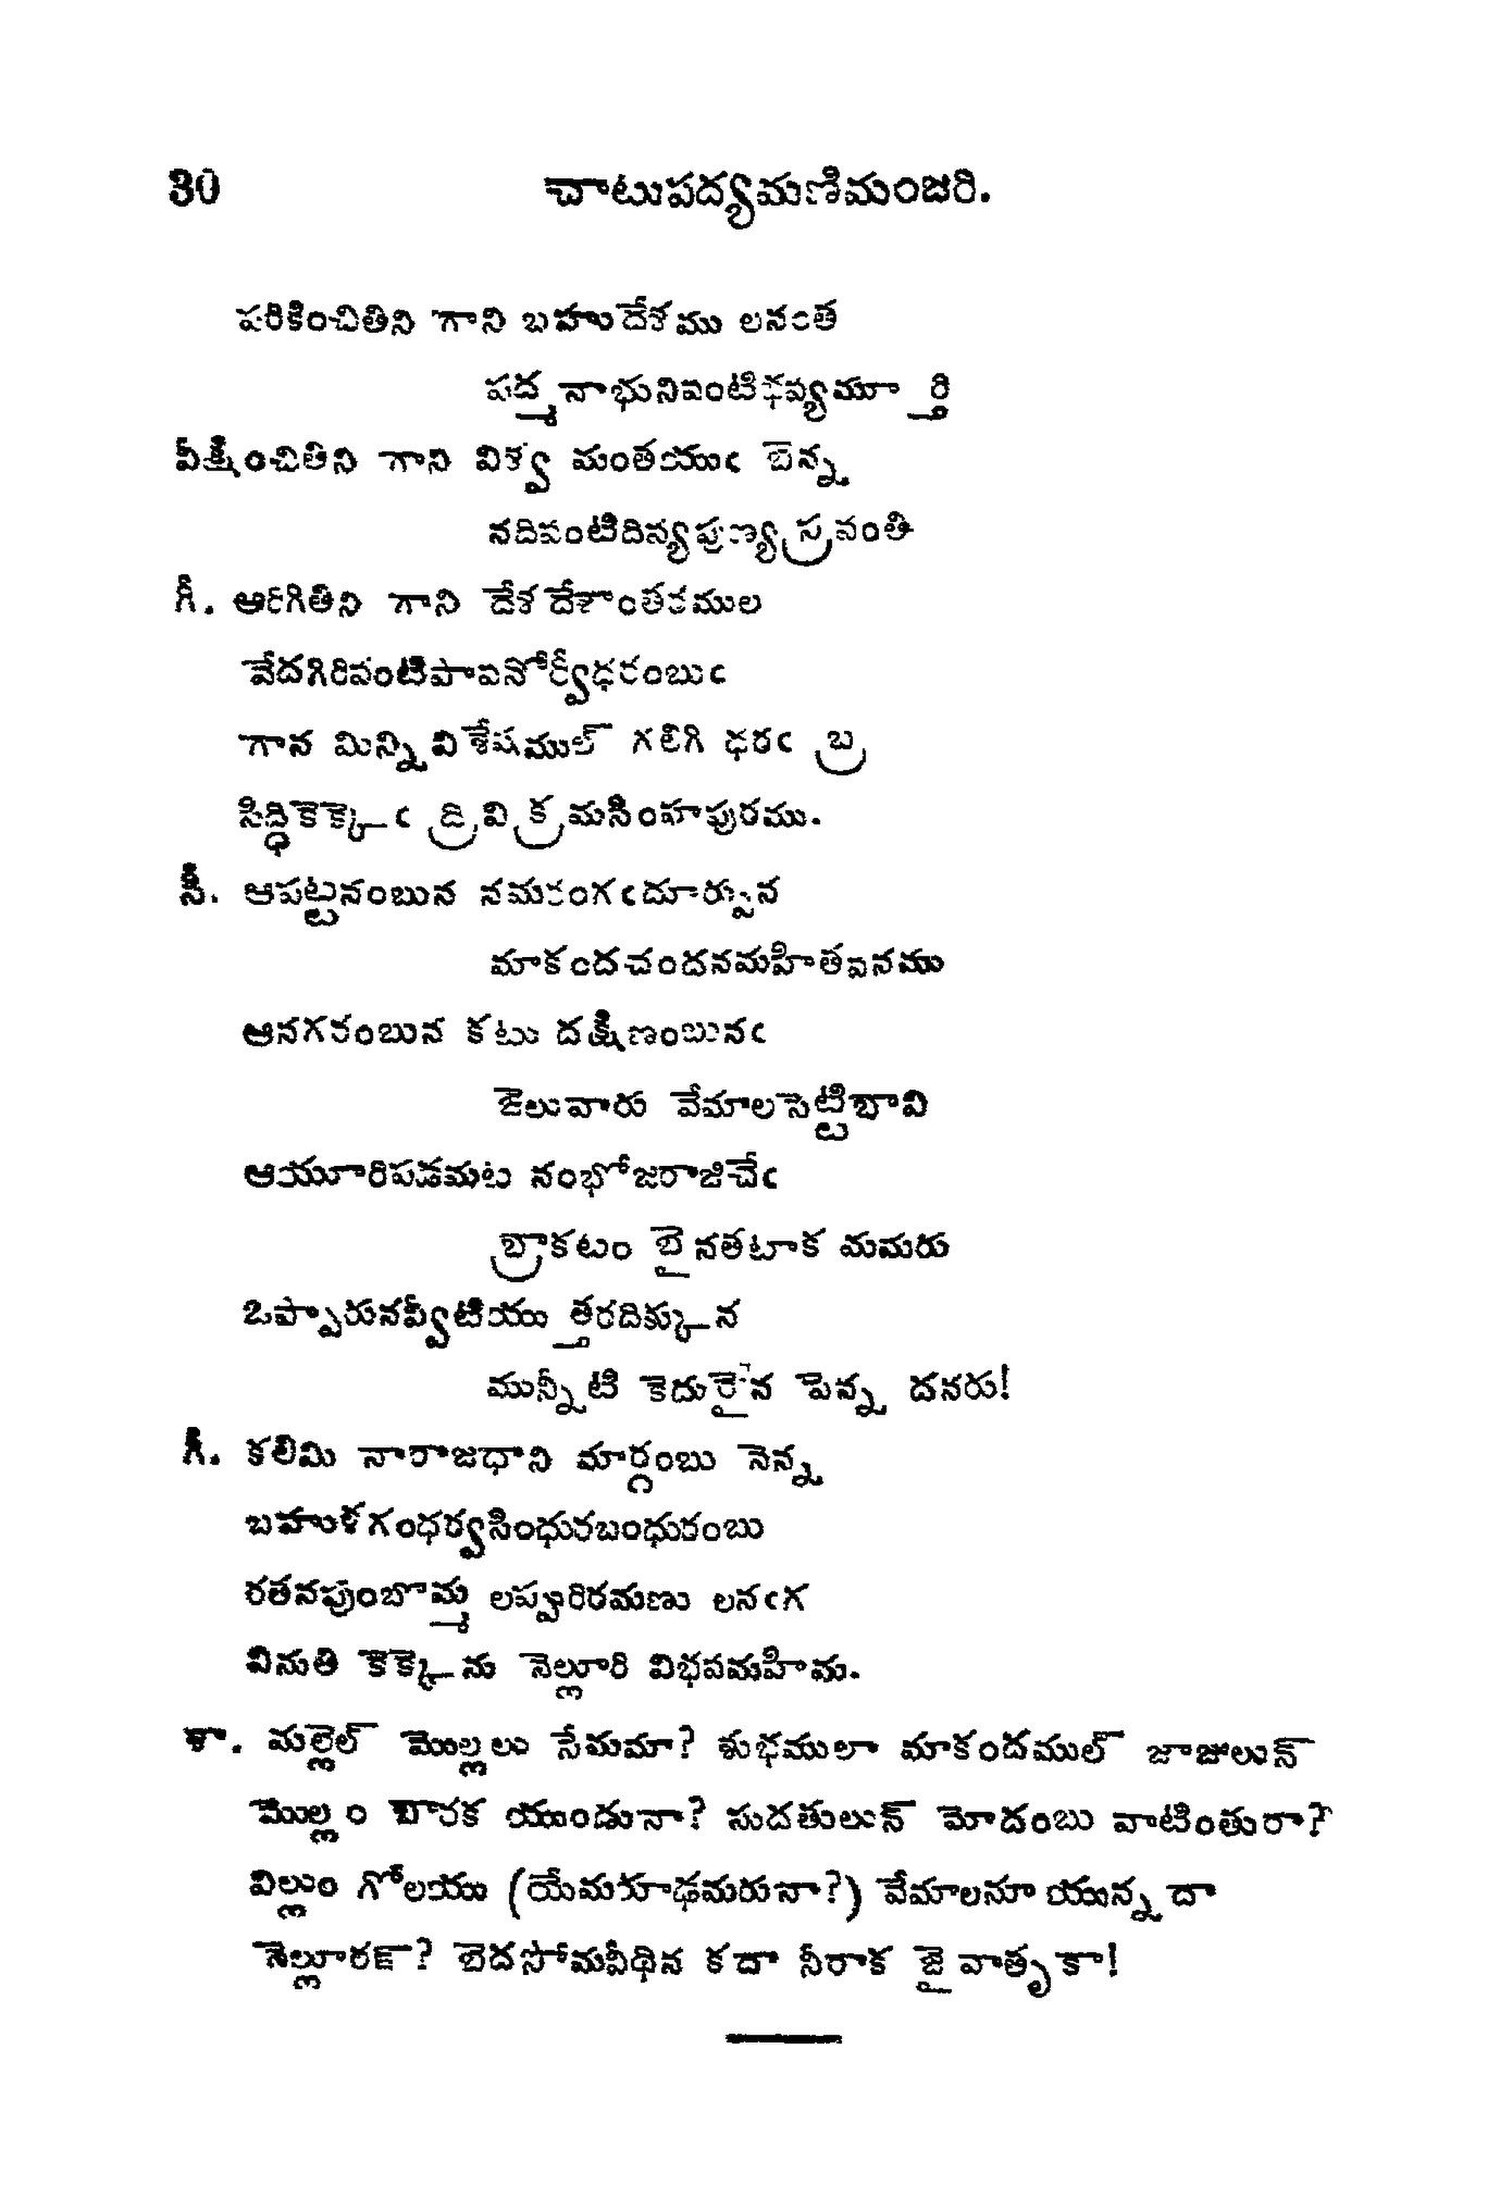పరికించితిని గాని బహుదేశము లనంత
 పద్మనాభునివంటి భవ్యమూర్తి
 వీక్షించితిని గాని విశ్వ మంతయుఁ బెన్న
 నదివంటి దివ్యపుణ్యస్రవంతి
గీ. అరిగితిని గాని దేశదేశాంతరముల
 వేదగిరివంటి పావనోర్వీధరంబుఁ
 గాన మిన్నివిశేషముల్ గలిగి ధరఁ బ్ర
 సిద్ధికెక్కెఁ ద్రివిక్రమసింహపురము.
సీ. ఆపట్టణంబున నమరంగఁ దూర్పున
 మాకందచందనమహితవనము
 ఆనగరంబున కటు దక్షిణంబునఁ
 జెలువారు వేమాలసెట్టిబావి
 ఆయూరిపడమట నంభోజరాజిచేఁ
 బ్రాకంటం బైనతటాక మమరు
 ఒప్పారు నవ్వీటియుత్తరదిక్కున
 మున్నీటి కెదురైన పెన్న దనరు!
గీ. కలిమి నారాజధాని మార్గంబు నెన్న
 బహుళగంధర్వసింధురబంధురంబు
 రతనంపుబొమ్మ లప్పురిమణు లనఁగ
 వినుతి కెక్కెను నెల్లూరి విభవమహిమ.
శా. మల్లెల్ మొల్లలు సేమమా? శుభములా మాకందముల్ జాజులున్?
 మొల్లం బారక యుండునా? సుదతులున్ మోదంబు వాటింతురా?
 విల్లుం గోలయు (యేమరూఢమరునా?) వేమాలనూ యున్నదా
 నెల్లూరన్? బెదమసోమవీథిన కదా నీరాక జైవాతృకా!